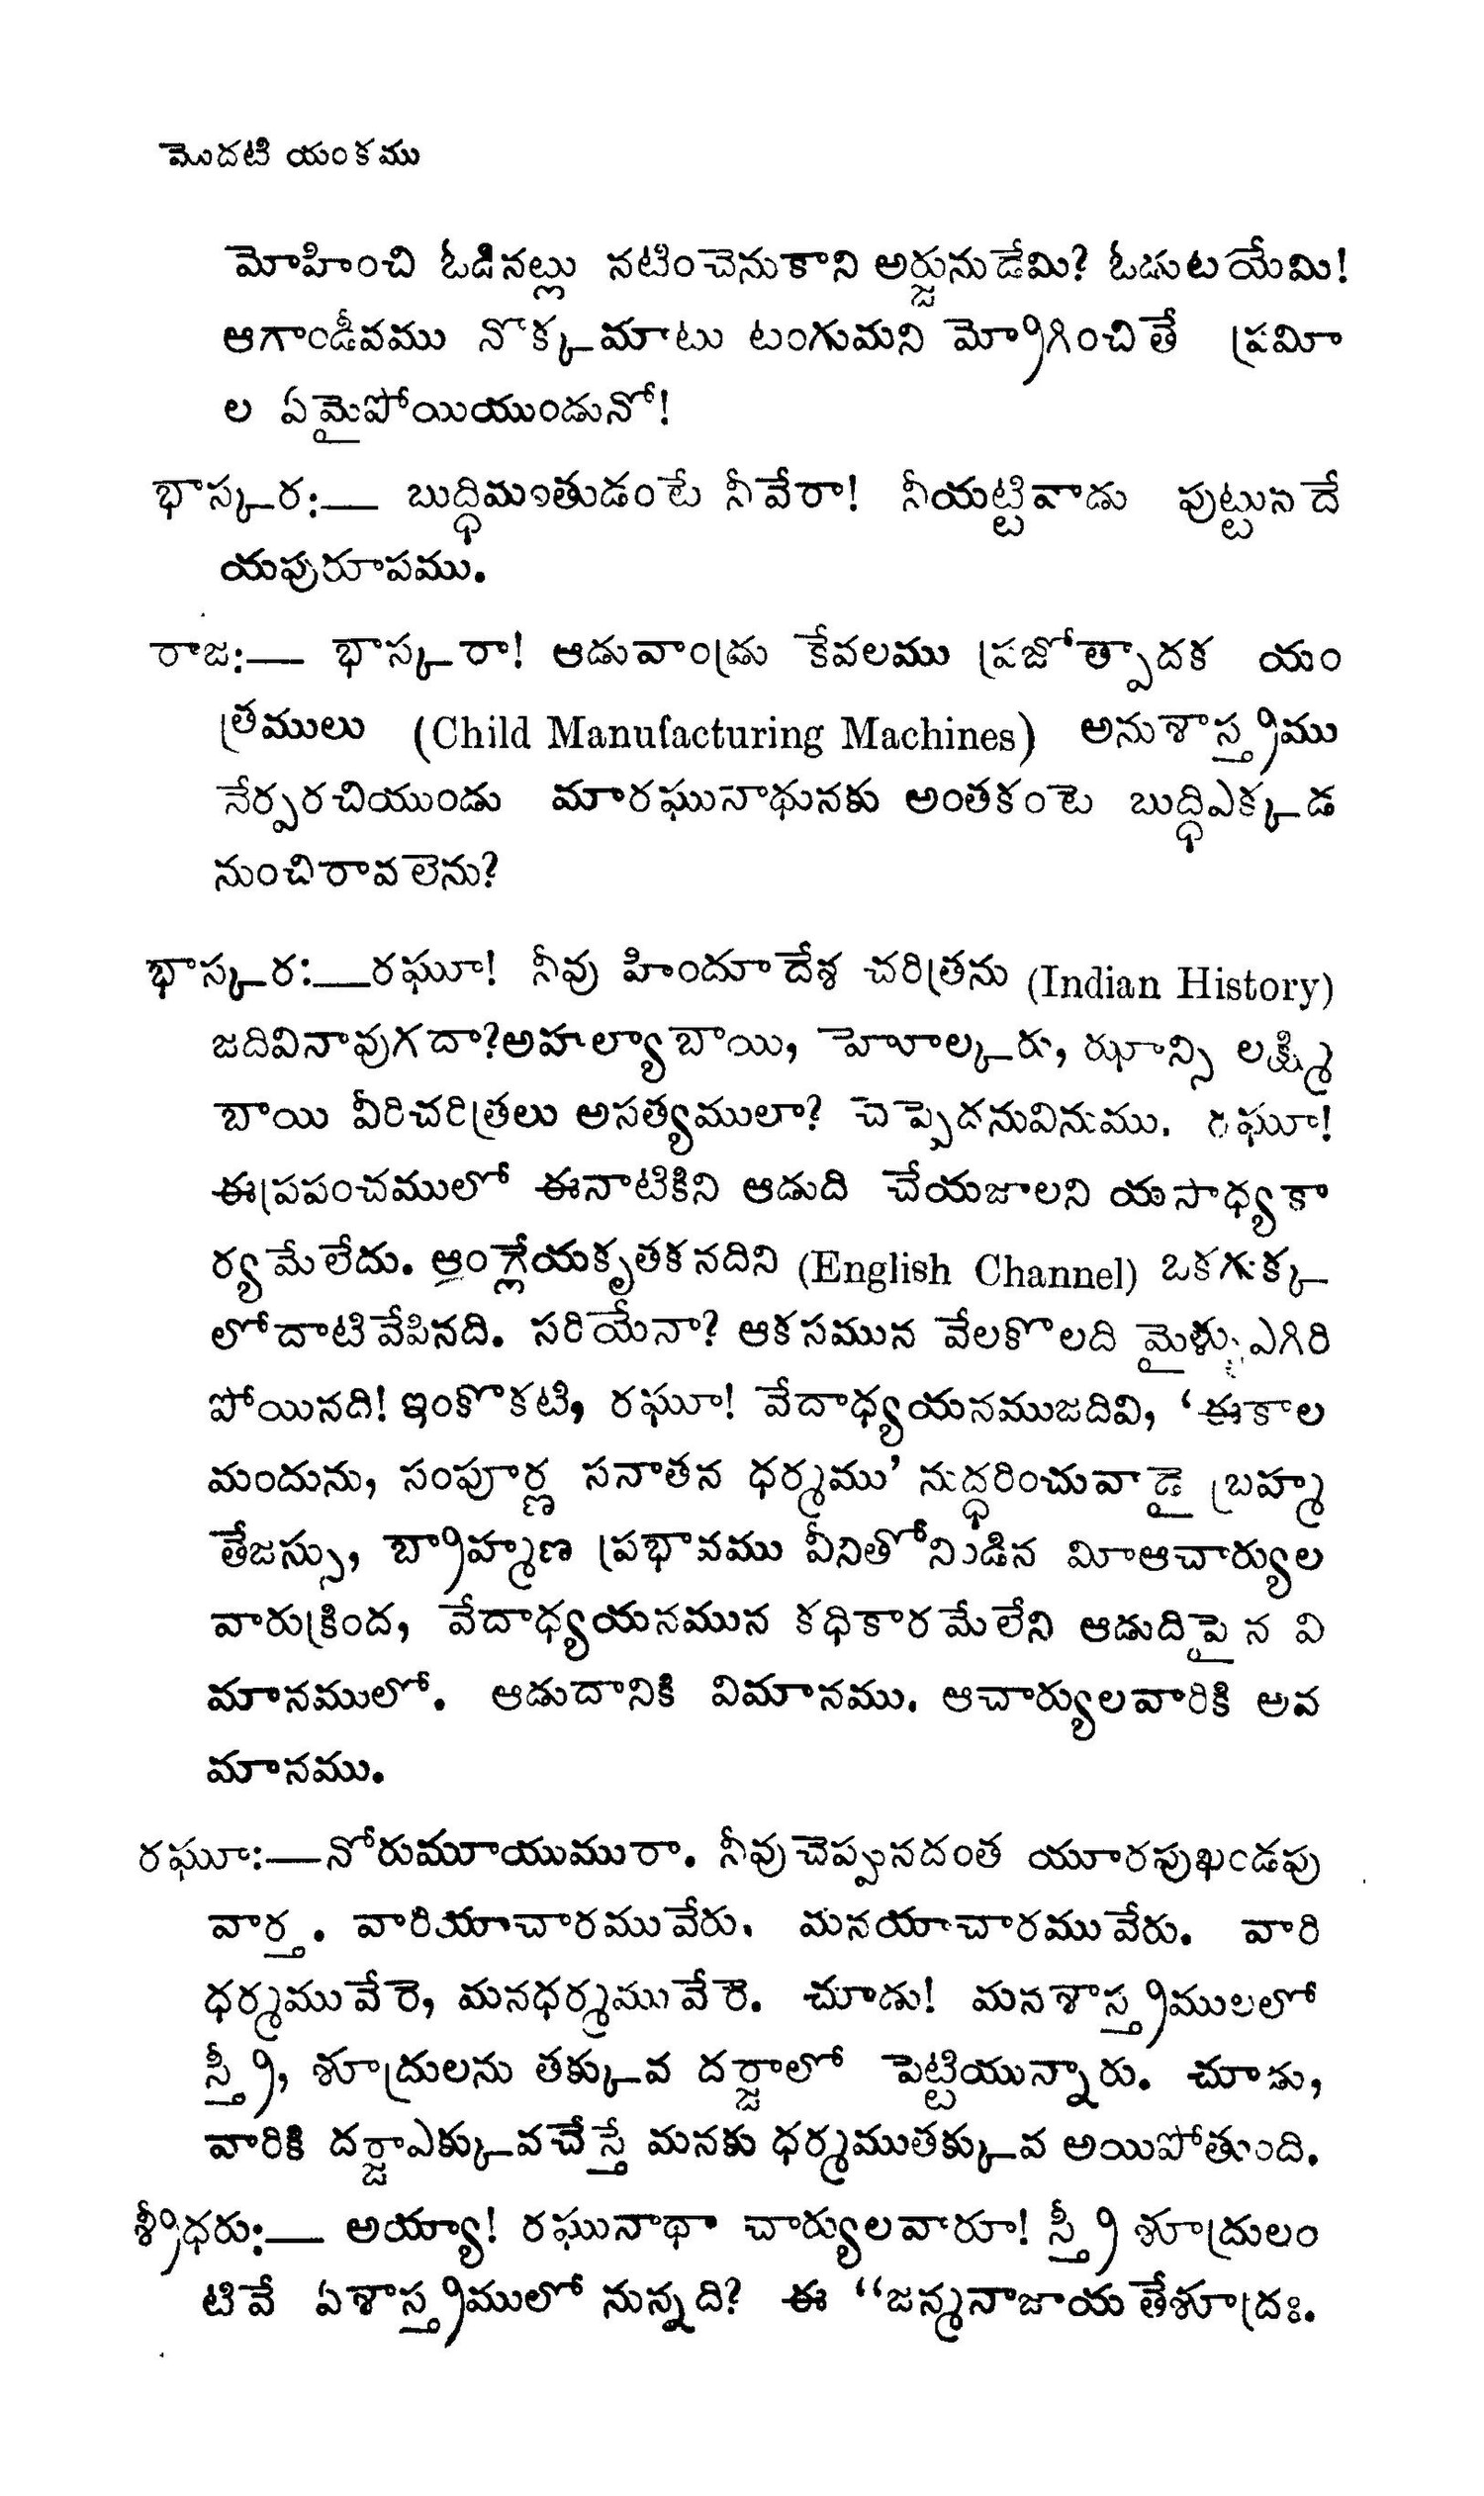మోహించి ఓడినట్లు నటించెనుకాని అర్జునుడేమి? ఓడుటయేమి! ఆ గాండీవము నొక్కమాటు టంగుమని మ్రోగించితే ప్రమీల ఏమైపొయి యుండునో!

భాస్కర:--బుద్దిమంతుడంటే నీవేరా! నీయట్టివాడు పుట్టునదే యపురూపము.

రాజ:--బాస్కరా! ఆడువాండ్రు కేవలము ప్రజొత్సాదక యంత్రములు (Chil Manufacturing Machines) 
అనుశాస్త్రము నేర్పరచియుండు మారఘునాధునకు అంతకంటె బుద్దిఎక్కడనుంచి రావవలెను?

భాస్కర:--రఘూ! నీవు హిందూదేశ చరిత్రను (Indian History) జదివినావుగదా! అహల్యాబాయి, హూల్కరు, ఝాన్సీ లక్ష్మిబాయి వీరిచరిత్రలు అస్వత్యములా! చెప్పద వినుము. రఘూ! ఈ విషయంలో ఈనాటికిని ఆడుది చేయజాలని యసాధ్యకార్యమే లేదు. ఆంగ్లేయ కృతక నదిని (English channel) ఒకగుక్కలోదాటివేసినది. సరియేనా! ఆకసమున వేలకొలది మైళ్లు ఎగిరి పోయినది! ఇంకొకటి, రఘూ! వేదాధ్యయనము జదివి, 'ఈకాలమందును, సంపూర్ణ సనాతన ధర్మము ' నుద్దరించు వాడై బ్రహ్మతేజస్సు, బ్రాహ్మణ ప్రబావము వీనితో నిండిన మీఆచార్యులవారు క్రింద, వేదాధ్యయనమున కదికారమేలేని ఆడుదిపైన విమానములో, ఆడుదానికి విమానము, ఆచార్యుల వారికి అవమానము.

రఘూ:--నోరుమూయుమురా. నీవు చెప్పినదంత యూరపు ఖండపు వార్త, వారియాచారము వేరు, మనయాచారము వేరు. వారి ధర్మమువేరె, చూడు! మనశాస్త్రములలో స్త్రీ, శూద్రులను తక్కువ దర్జాలొ పెట్తియున్నారు, చూడు, వారికి దర్జాఎక్కువ చేస్తే మనకు ధర్మము తక్కువ అయిపొతుంది.

శ్రీధరు;--అయ్యా! రఘునధాచార్యులవారూ! స్త్రీశూద్రులంటివే ఏశాస్త్రములొ నున్నది? ఈ 'జన్మనాజాయతేశూద్రు:,